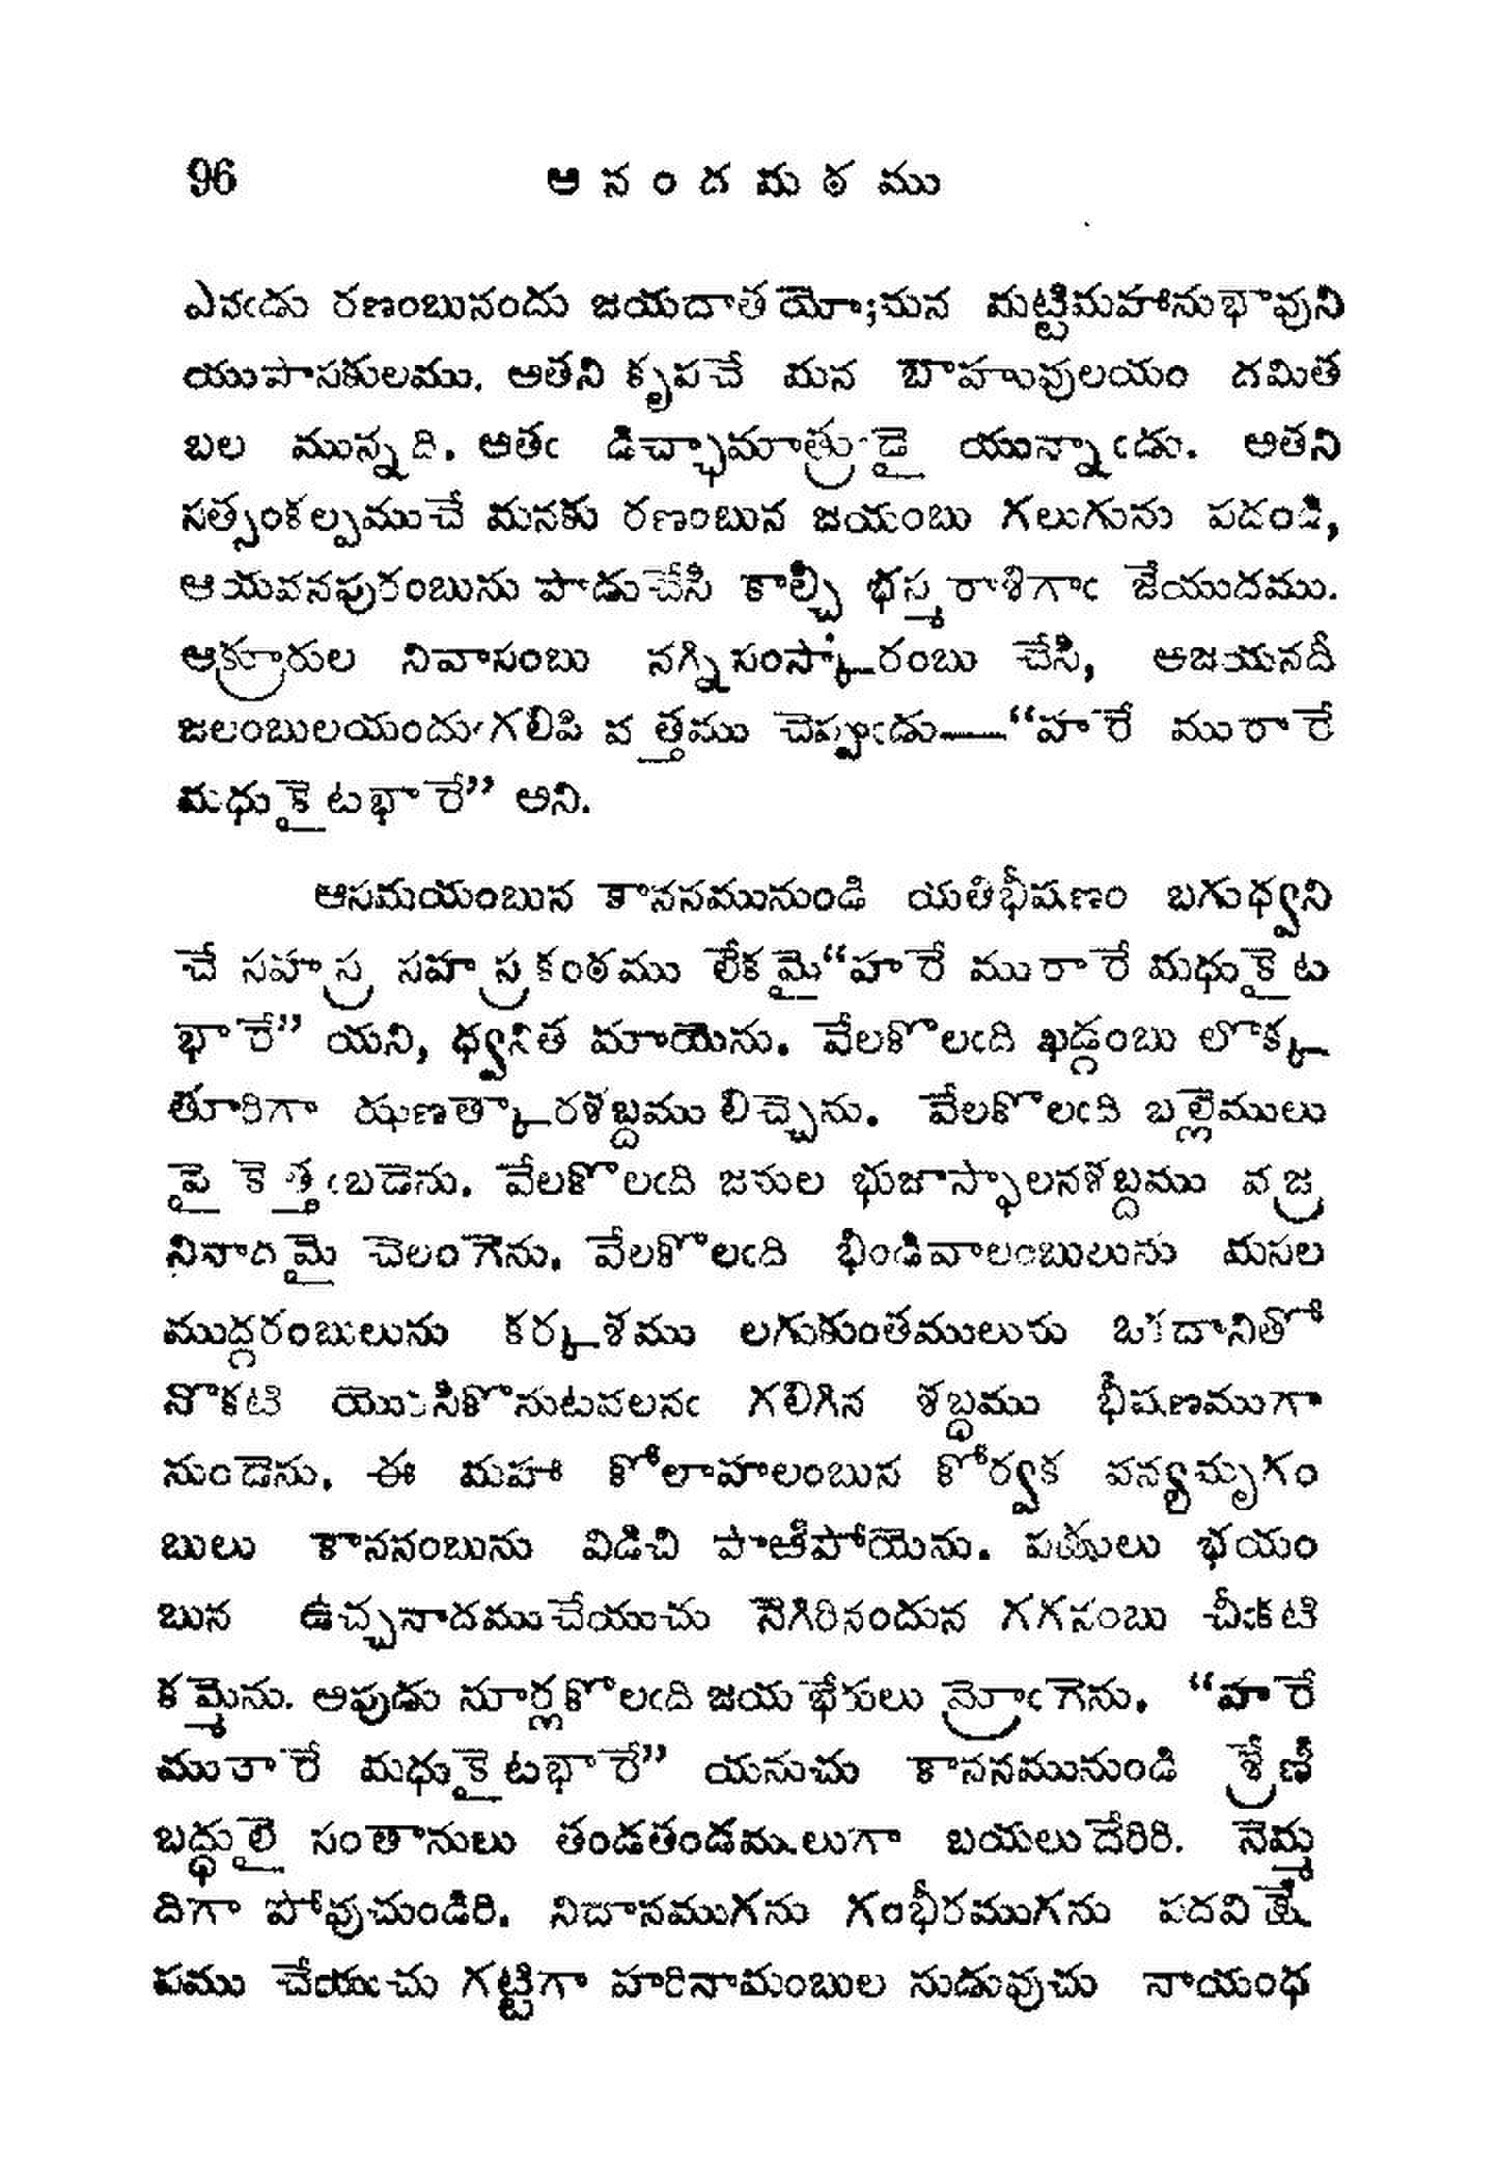ఎవఁడు రణంబునందు జయదాతయో;మన మట్టిమహానుభావుని యుపాసకులము, అతని కృపచే మన బాహువులయం దమిత బల మున్నది. ఆతఁ డిచ్ఛామాత్రుఁడై యున్నాడు. అతని సత్సంకల్పముచే మనకు రణంబున జయంబు గలుగును పదండి, ఆయవనపురంబును పాడు చేసి' కాల్చి భస్మ రాశిగాఁ జేయుదము. ఆక్రూరుల నివాసంబు నగ్ని సంస్కారంబు చేసి, ఆజయనదీ జలంబులయందు గలిపి వత్తము చెప్పుఁడు.. “హరే మురారే మధు కైటభారే” అని.

ఆసమయంబున కాననమునుండి యతి భీషణం బగుధ్వనిచే సహస్ర సహస్రకంఠము లేకమై“హరే మురారే మధుకైట
భారే” యని, ధ్వనిత మాయెను. వేలకొలఁది ఖడ్గంబు లొక్కతూరిగా ఝణత్కారశబ్దము లిచ్చెను. వేలకొలఁది బల్లెములు
పై కెత్తఁబడెను. 'వేలకొలఁది జనుల భుజాస్ఫాలనశబ్దము వజ్ర నినాదమై చెలంగెను. వేలకొలఁది భిండి వాలంబులును మసల ముద్గరంబులును కర్కశము లగుకుంతములును ఒక దానితో నొకటి యొరసికొనుటనలనఁ గలిగిన శబ్దము భీషణముగా
నుండెను. ఈ మహా కోలాహలంబున కోర్వక వన్యమృగంబులు కాననంబును విడిచి పాఱిపోయెను. పక్షులు భయంబున ఉచ్చనాదము చేయుచు నెగిరినందున గగనంబు చీఁకటి కమ్మెను. అపుడు నూర్లకోలఁది జయ భేరులు మ్రోగెను. “హరే
మురారే మధుకైటభారే” యనుచు కాననమునుండి శ్రేణీ బద్ధులై సంతానులు తండతండములుగా బయలు దేరిరి. నెమ్మదిగా పోవుచుండిరి. నిదానముగను గంభీరముగను పదవి క్షేపము చేయుచు గట్టిగా హరినామంబుల నుడువుచు నాయంధ